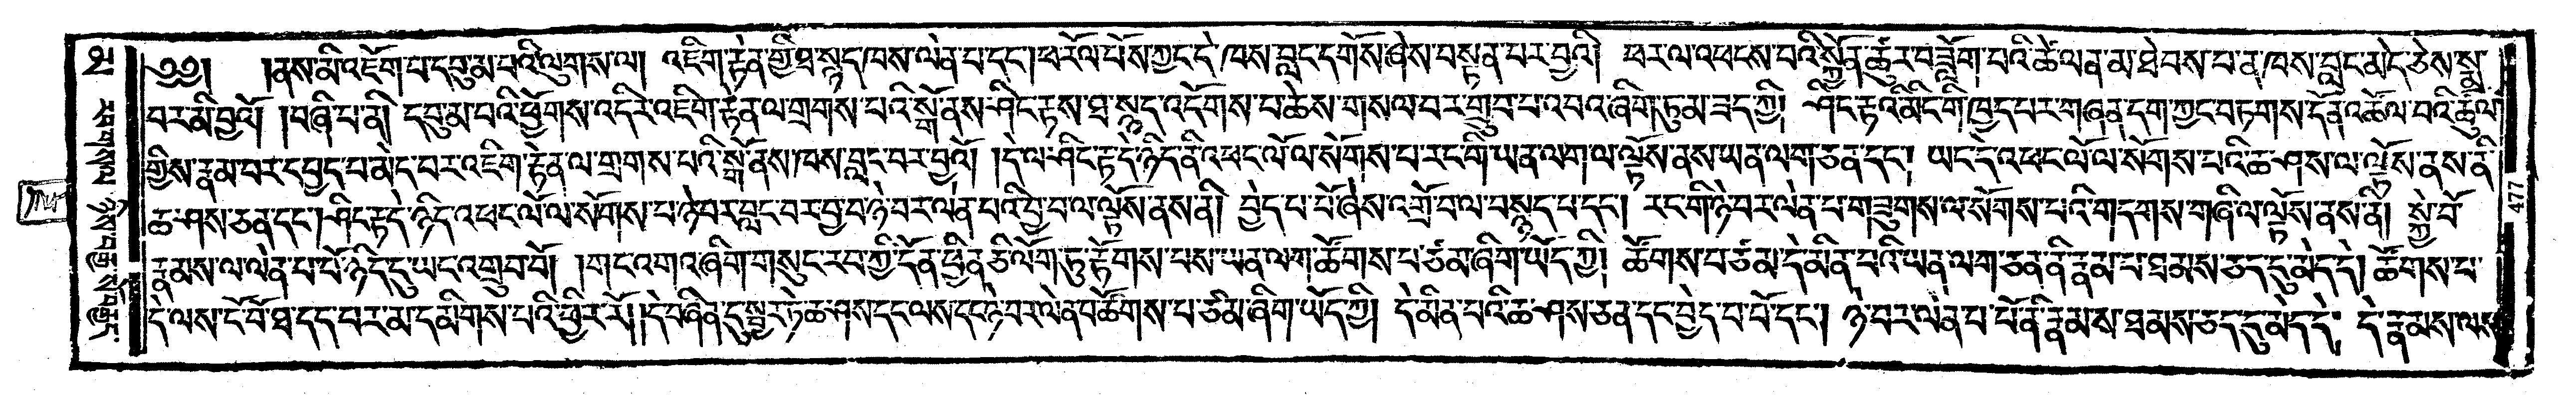༄༅། །ནས་མི་འཇོག་པ་དབུ་མ་པའི་ལུགས་ལ། འཇིག་རྟེན་གྱི་ཐ་སྙད་ཁས་ལེན་པ་དང་། ཕ་རོལ་པོས་ཀྱང་དེ་ཁས་བླང་དགོས་ཞེས་བསྟན་པར་བྱའི། ཕར་ལ་འཕངས་པའི་སྐྱོན་ཚུར་བཟློག་པའི་ཚེ་ལན་མ་ཐེབས་པ་ན་ཁས་བླང་མེད་ཅེས་སྨྲ་
བར་མི་བྱའོ། །བཞི་པ་ནི། དབུ་མ་པའི་ཕྱོགས་འདིར་འཇིག་རྟེན་ལ་གྲགས་པའི་སྒོ་ནས་ཤིང་རྟས་ཐ་སྙད་འདོགས་པ་ཆེས་གསལ་བར་གྲུབ་པ་འབའ་ཞིག་ཏུ་མ་ཟད་ཀྱི། ཤིང་རྟའི་མིང་གི་ཁྱད་པར་གཞན་དག་ཀྱང་བཏགས་དོན་འཚོལ་བའི་ཚུལ་
གྱིས་རྣམ་པར་དཔྱད་པ་མེད་པར་འཇིག་རྟེན་ལ་གྲགས་པའི་སྒོ་ནས་ཁས་བླང་པར་བྱའོ། །དེ་ལ་ཤིང་རྟ་དེ་ཉིད་ནི་འཕང་ལོ་ལ་སོགས་པ་རང་གི་ཡན་ལག་ལ་ལྟོས་ནས་ཡན་ལག་ཅན་དང་། ཡང་དེ་འཕང་ལོ་ལ་སོགས་པའི་ཆ་ཤས་ལ་ལྟོས་ནས་ནི་
ཆ་ཤས་ཅན་དང་། ཤིང་རྟ་དེ་ཉིད་འཕང་ལོ་ལ་སོགས་པ་ཉེ་བར་བླང་བར་བྱ་བ་ཉེ་བར་ལེན་པའི་བྱ་བ་ལ་ལྟོས་ནས་ནི། བྱེད་པ་པོ་ཞེས་འགྲོ་བ་ལ་བསྙད་པ་དང་། རང་གི་ཉེ་བར་ལེན་པ་གཟུགས་ལ་སོགས་པའི་གདགས་གཞི་ལ་ལྟོས་ནས་ནི། སྐྱེ་བོ་
རྣམས་ལ་ལེན་པ་པོ་ཉིད་དུ་ཡང་འགྲུབ་བོ། །གང་འགའ་ཞིག་གསུང་རབ་ཀྱི་དོན་ཕྱིན་ཅི་ལོག་ཏུ་རྟོགས་པས་ཡན་ལག་ཚོགས་པ་ཙམ་ཞིག་ཡོད་ཀྱི། ཚོགས་པ་ཙམ་དེ་མིན་པའི་ཡན་ལག་ཅན་ནི་རྣམ་པ་ཐམས་ཅད་དུ་མེད་དེ། ཚོགས་པ་
དེ་ལས་ངོ་བོ་ཐ་དད་པར་མ་དམིགས་པའི་ཕྱིར་རོ། །དེ་བཞིན་དུ་སྦྱར་ཏེ་ཆ་ཤས་དང་ལས་དང་ཉེ་བར་ལེན་པ་ཚོགས་པ་ཙམ་ཞིག་ཡོད་ཀྱི། དེ་མིན་པའི་ཆ་ཤས་ཅན་དང་བྱེད་པ་པོ་དང་། ཉེ་བར་ལེན་པ་པོ་ནི་རྣམ་པ་ཐམས་ཅད་དུ་མེད་དེ། དེ་རྣམས་ལས་